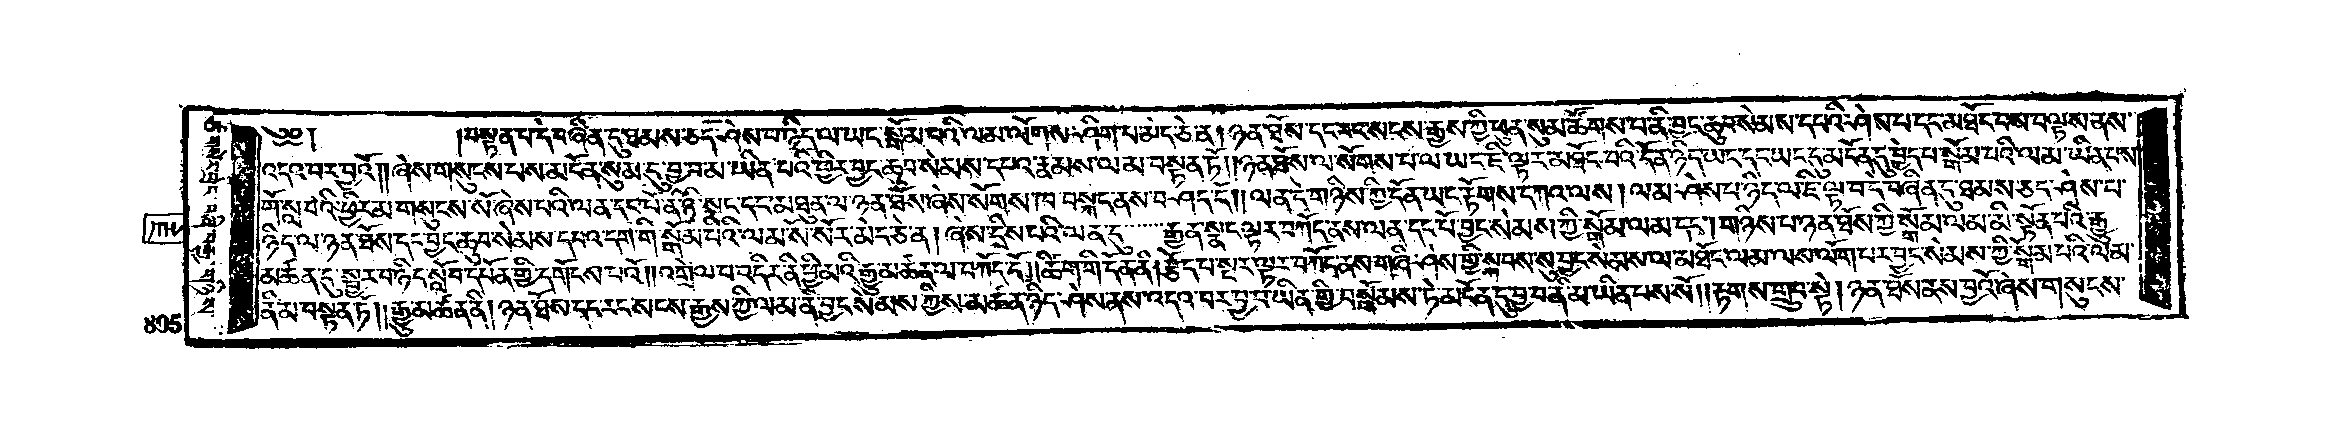༄༅། །བསྟན་པ་དེ་བཞིན་དུ་ཐམས་ཅད་ཤེས་པ་ཉིད་ལ་ཡང་སྒོམ་པའི་ལམ་ལོགས་ཤིག་པ་མེད་ཅེ་ན། ཉན་ཐོས་དང་རང་སངས་རྒྱས་ཀྱི་ཕུན་སུམ་ཚོགས་པ་ནི་བྱང་ཆུབ་སེམས་དཔའི་ཤེས་པ་དང་མཐོང་བས་བལྟས་ནས་
འདའ་བར་བྱའོ། །ཞེས་གསུངས་པས་མངོན་སུམ་དུ་བྱ་བ་མ་ཡིན་པའི་ཕྱིར་བྱང་ཆུབ་སེམས་དཔའ་རྣམས་ལམ་བསྟན་ཏོ། །ཉན་ཐོས་ལ་སོགས་པ་ལ་ཡང་ཇི་ལྟར་མཐོང་བའི་དོན་ཉིད་ཡང་དང་ཡང་དུ་མངོན་དུ་བྱེད་པ་སྒོམ་པའི་ལམ་ཡིན་པས་
གོ་སླ་བའི་ཕྱིར་མ་གསུངས་སོ་ཞེས་པའི་ལན་དང་པོ་ནི་ཉི་སྣང་དང་མཐུན་ལ་ཉན་ཐོས་ཞེས་སོགས་ཁ་བསྐང་ནས་བཤད་དོ། །ལན་དེ་གཉིས་ཀྱི་དོན་ཡང་རྟོགས་དཀའ་ལས། ལམ་ཤེས་པ་ཉིད་ལ་ཇི་ལྟ་བ་དེ་བཞིན་དུ་ཐམས་ཅད་ཤེས་པ་
ཉིད་ལ་ཉན་ཐོས་དང་བྱང་ཆུབ་སེམས་དཔའ་དག་གི་སྒོམ་པའི་ལམ་སོ་སོར་མེད་ཅེ་ན། ཞེས་དྲིས་པའི་ལན་དུ་རྒྱན་སྣང་ལྟར་བཀོད་ནས་ལན་དང་པོ་བྱང་སེམས་ཀྱི་སྒོམ་ལམ་དང་། གཉིས་པ་ཉན་ཐོས་ཀྱི་སྒོམ་ལམ་མི་སྟོན་པའི་རྒྱུ་
མཚན་དུ་སྦྱར་བ་ཉིད་སློབ་དཔོན་གྱི་དགོངས་པའོ། །འགྲེལ་པ་འདིར་ནི་ཕྱི་མའི་རྒྱུ་མཚན་ལ་བཀོད་དོ། །ཚིག་གི་དོན་ནི། རྩོད་པ་སྔར་ལྟར་བཀོད་ནས་གཞི་ཤེས་ཀྱི་སྐབས་སུ་བྱང་སེམས་ལ་མཐོང་ལམ་ལས་ལོག་པར་བྱང་སེམས་ཀྱི་སྒོམ་པའི་ལམ་
ནི་མ་བསྟན་ཏོ། །རྒྱུ་མཚན་ནི། ཉན་ཐོས་དང་རང་སངས་རྒྱས་ཀྱི་ལམ་ནི་བྱང་སེམས་ཀྱིས་མཚན་ཉིད་ཤེས་ནས་འདའ་བར་བྱ་བ་ཡིན་གྱི་བསྒོམས་ཏེ་མངོན་དུ་བྱ་བ་ནི་མ་ཡིན་པས་སོ། །རྟགས་གྲུབ་སྟེ། ཉན་ཐོས་ནས་བྱའོ་ཞེས་གསུངས་